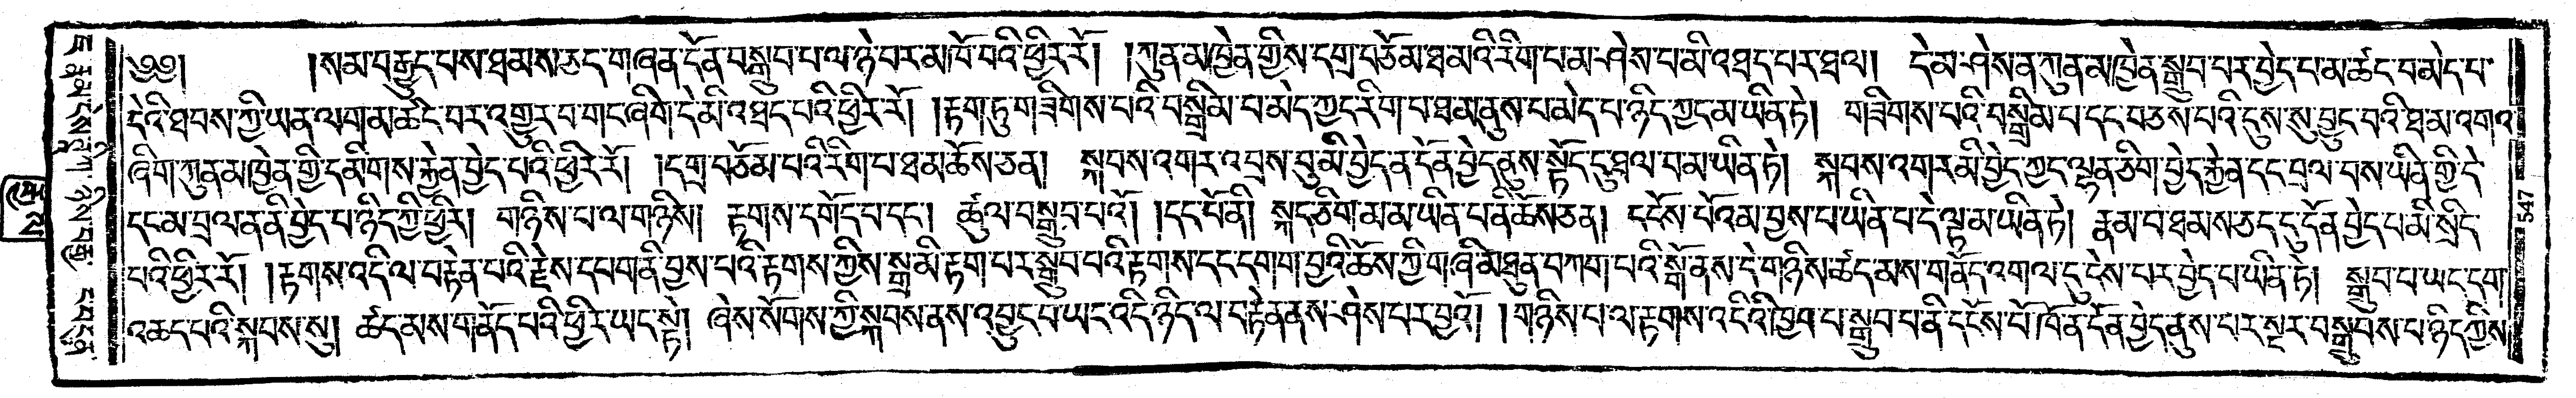༄༅། །སམ་བརྒྱུད་པས་ཐམས་ཅད་གཞན་དོན་བསྒྲུབ་པ་ལ་ཉེ་བར་མཁོ་བའི་ཕྱིར་རོ། །ཀུན་མཁྱེན་གྱིས་དགྲ་བཅོམ་ཐ་མའི་རིག་པ་མ་ཤེས་པ་མི་འཐད་པར་ཐལ། དེ་མ་ཤེས་ན་ཀུན་མཁྱེན་སྒྲུབ་པར་བྱེད་པ་མ་ཚང་བ་མེད་པ་
དེའི་ཐབས་ཀྱི་ཡན་ལག་མ་ཚང་བར་འགྱུར་བ་གང་ཞིག་དེ་མི་འཐད་པའི་ཕྱིར་རོ། །རྟག་ཏུ་གཟིགས་པའི་བསྒྲིམ་པ་མེད་ཀྱང་རིག་པ་ཐ་མ་ནུས་པ་མེད་པ་ཉིད་ཀྱང་མ་ཡིན་ཏེ། གཟིགས་པའི་བསྒྲིམ་པ་དང་བཅས་པའི་དུས་སུ་བྱུང་བའི་ཐ་མ་འགའ་
ཞིག་ཀུན་མཁྱེན་གྱི་དམིགས་རྐྱེན་བྱེད་པའི་ཕྱིར་རོ། །དགྲ་བཅོམ་པའི་རིག་པ་ཐ་མ་ཆོས་ཅན། སྐབས་འགར་འབྲས་བུ་མི་བྱེད་ན་དོན་བྱེད་ནུས་སྟོང་དུ་ཐལ་བ་མ་ཡིན་ཏེ། སྐབས་འགར་མི་བྱེད་ཀྱང་ལྷན་ཅིག་བྱེད་རྐྱེན་དང་བྲལ་བས་ཡིན་གྱི་དེ་
དང་མ་བྲལ་ན་ནི་བྱེད་པ་ཉིད་ཀྱི་ཕྱིར། གཉིས་པ་ལ་གཉིས། རྟགས་དགོད་པ་དང་། ཚུལ་བསྒྲུབ་པའོ། །དང་པོ་ནི། སྐད་ཅིག་མ་མ་ཡིན་པ་ནི་ཆོས་ཅན། དངོས་པོའམ་བྱས་པ་ཡིན་པ་དེ་ལྟ་མ་ཡིན་ཏེ། རྣམ་པ་ཐམས་ཅད་དུ་དོན་བྱེད་པ་མི་སྲིད་
པའི་ཕྱིར་རོ། །རྟགས་འདི་ལ་བརྟེན་པའི་རྗེས་དཔག་ནི་བྱས་པའི་རྟགས་ཀྱིས་སྒྲ་མི་རྟག་པར་སྒྲུབ་པའི་རྟགས་དང་དགག་བྱའི་ཆོས་ཀྱི་གཞི་མཐུན་བཀག་པའི་སྒོ་ནས་དེ་གཉིས་ཚད་མས་གནོད་འགལ་དུ་ངེས་པར་བྱེད་པ་ཡིན་ཏེ། སྒྲུབ་པ་ཡང་དག་
འཆད་པའི་སྐབས་སུ། ཚད་མས་གནོད་པའི་ཕྱིར་ཡང་སྟེ། ཞེས་སོགས་ཀྱི་སྐབས་ནས་འབྱུང་བ་ཡང་འདི་ཉིད་ལ་བརྟེན་ནས་ཤེས་པར་བྱའོ། །གཉིས་པ་ལ་རྟགས་འདིའི་ཁྱབ་པ་སྒྲུབ་པ་ནི་དངོས་པོ་ཁོ་ན་དོན་བྱེད་ནུས་པར་སྔར་བསྒྲུབས་པ་ཉིད་ཀྱིས་